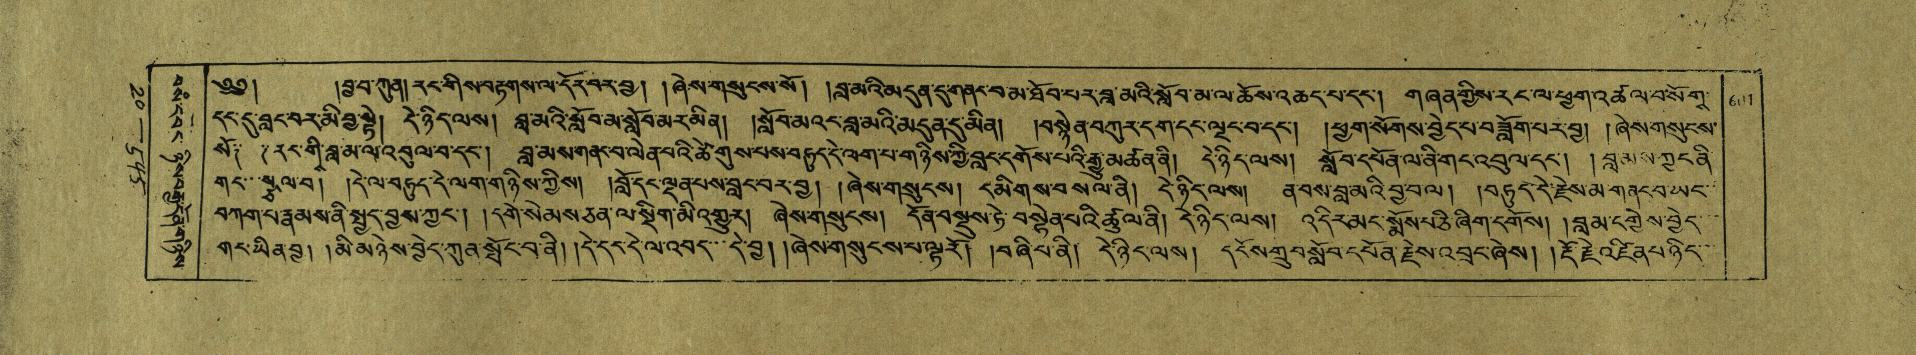༄༅། །བྱ་བ་ཀུན། རང་གིས་བརྟགས་ལ་དོར་བར་བྱ། །ཞེས་གསུངས་སོ། །བླ་མའི་མདུན་དུ་གནང་བ་མ་ཐོབ་པར་བླ་མའི་སློབ་མ་ལ་ཆོས་འཆང་པ་དང་། གཞན་གྱིས་རང་ལ་ཕྱག་འཚལ་བ་སོགས་
དང་དུ་བླང་བར་མི་བྱ་སྟེ། དེ་ཉིད་ལས། བླ་མའི་སློབ་མ་སློབ་མར་མིན། །སློབ་མའང་བླ་མའི་མདུན་དུ་མིན། །བསྙེན་བཀུར་དག་དང་ལྡང་བ་དང་། །ཕྱག་སོགས་བྱེད་པ་བཟློག་པར་བྱ། །ཞེས་གསུངས་
སོ༑ ༑རང་གིས་བླ་མ་ལ་འབུལ་བ་དང་། བླ་མས་གནང་བ་ལེན་པའི་ཚེ་གུས་པས་བཏུད་དེ་ལག་པ་གཉིས་ཀྱི་བླང་དགོས་པའི་རྒྱུ་མཚན་ནི། དེ་ཉིད་ལས། སློབ་དཔོན་ལ་ནི་གང་འབུལ་དང་། །བླ་མས་ཀྱང་ནི་
གང་སྩལ་བ། །དེ་ལ་བཏུད་དེ་ལག་གཉིས་ཀྱིས། །བློ་དང་ལྡན་པས་བླང་བར་བྱ། །ཞེས་གསུངས། དམིགས་བསལ་ནི། དེ་ཉིད་ལས། ན་བས་བླ་མའི་བྱ་བ་ལ། །བཏུད་དེ་རྗེས་མ་གནང་བ་ཡང་
བཀག་པ་རྣམས་ནི་སྤྱད་བྱས་ཀྱང་། །དགེ་སེམས་ཅན་ལ་སྡིག་མི་འགྱུར། ཞེས་གསུངས། དོན་བསྡུས་ཏེ་བསྟེན་པའི་ཚུལ་ནི། དེ་ཉིད་ལས། འདིར་མང་སྨོས་པ་ཅི་ཞིག་དགོས། །བླ་མ་དགྱེས་བྱེད་
གང་ཡིན་བྱ། །མི་མཉེས་བྱེད་ཀུན་སྤོང་བ་ནི། །དེ་དང་དེ་ལ་འབད་དེ་བྱ། །ཞེས་གསུངས་པ་ལྟརོ། །བཞི་པ་ནི། དེ་ཉིད་ལས། དངོས་གྲུབ་སློབ་དཔོན་རྗེས་འབྲང་ཞེས། །རྡོ་རྗེ་འཛིན་པ་ཉིད་